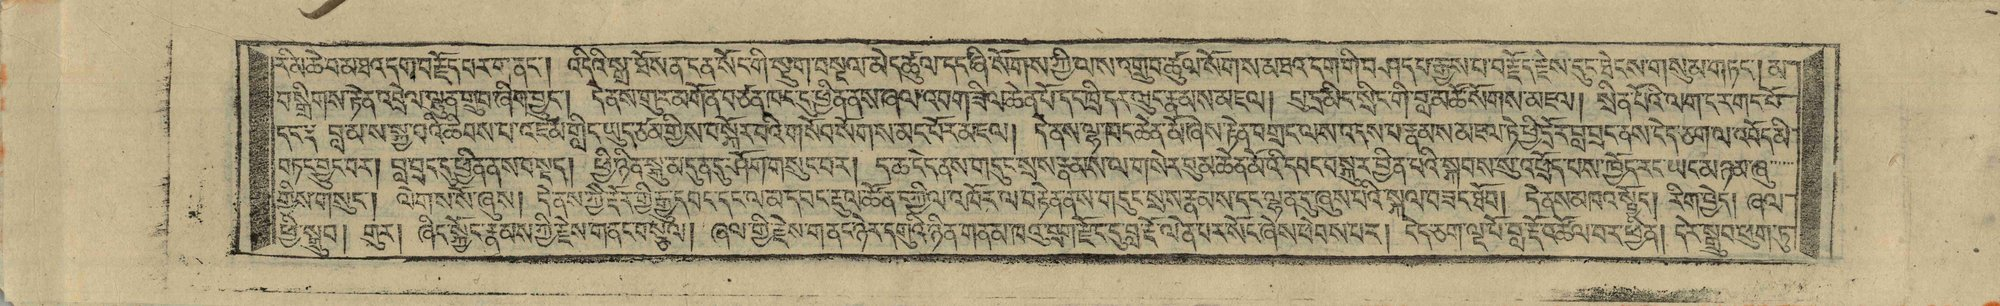རིམ་ཆེ་བ་མཐའ་དག་བརྗོད་པར་གནང་། འདིའི་སྒྲ་ཐོས་ན་ངན་སོང་གི་སྡུག་བསྔལ་མེད་ཚུལ་དང་ཞི་སོགས་ཀྱི་ལས་འགྲུབ་ཚུལ་སོགས་མཐའ་དག་གི་བཤད་པ་རྒྱས་པ་བརྗོད་རྗེས་དུང་ཐེངས་གསུམ་གཏང་། མ་
བསྒྲིགས་རྟེན་འབྲེལ་ལྷུན་གྲུབ་ཞིག་བྱུང་། དེ་ནས་གུར་མགོན་བཙན་ཁང་དུ་ཕྱིན་ནས་ཞལ་འབག་ཟིལ་ཆེན་པོ་དང་ཁྲི་དར་ལུང་རྣམས་མཇལ། པུ་དྲ་མིང་སྲིང་གི་བླ་མཚོ་སོགས་མཇལ། སྲིན་པོའི་ལག་ངར་གང་པོ་
དང༑ བླ་མ་ས་སྐྱ་པའི་ཆིབས་པ་འཛམ་གླིང་ཡུད་ཙམ་གྱིས་བསྐོར་བའི་གསོབ་སོགས་མང་པོར་མཇལ། དེ་ནས་ལྷ་ཁང་ཆེན་མོ་ཞེས་རྟེན་བགྲང་ལས་འདས་པ་རྣམས་མཇལ་ཏེ་ཕྱི་དྲོར་བླ་བྲང་ནས་ངེད་ཅག་ལ་འབོད་མི་
བཏང་བྱུང་བར། བླ་བྲང་དུ་ཕྱིན་ནས་བསྡད། ཕྱི་ཉིན་སྐུ་མདུན་དུ་ཤོག་གསུང་བར། ད་ཆ་ངེད་ནས་གདུང་སྲས་རྣམས་ལ་གསེར་བུམ་ཆེན་མོའི་དབང་བསྐུར་བྱིན་པའི་སྐབས་སུ་འཕྲོད་པས་ཁྱོད་རང་ཡང་མཉམ་ཞུ་
གྱིས་གསུང་། ལེགས་སོ་ཞུས། དེ་ནས་ཀྱཻ་རྡོར་གྱི་རྒྱུ་དབང་དང་ལམ་དབང་རྡུལ་ཚོན་དཀྱིལ་འཁོར་ལ་བརྟེན་ནས་གདུང་སྲས་རྣམས་དང་ལྷན་དུ་ཞུས་པའི་སྐལ་བཟང་ཐོབ། དེ་ནས་མཁའ་སྤྱོད། རིག་བྱེད། ཞལ་
ཕྱི་སྒྲུབ། གུར། ཞིང་སྐྱོང་རྣམས་ཀྱི་རྗེས་གནང་བསྩལ། ཞལ་གྱི་རྗེས་གནང་ཉེར་དགུའི་ཉིན་གནམ་ཁའུ་བྲག་རྫོང་དུ་བླ་རྡོ་ལེན་པར་སོང་ཞེས་ཕེབས་པར། ངེད་ཅག་ལྔ་པོ་བླ་རྡོ་འཚོལ་བར་ཕྱིན། དེར་སྒྲུབ་ཕུག་ཏུ་